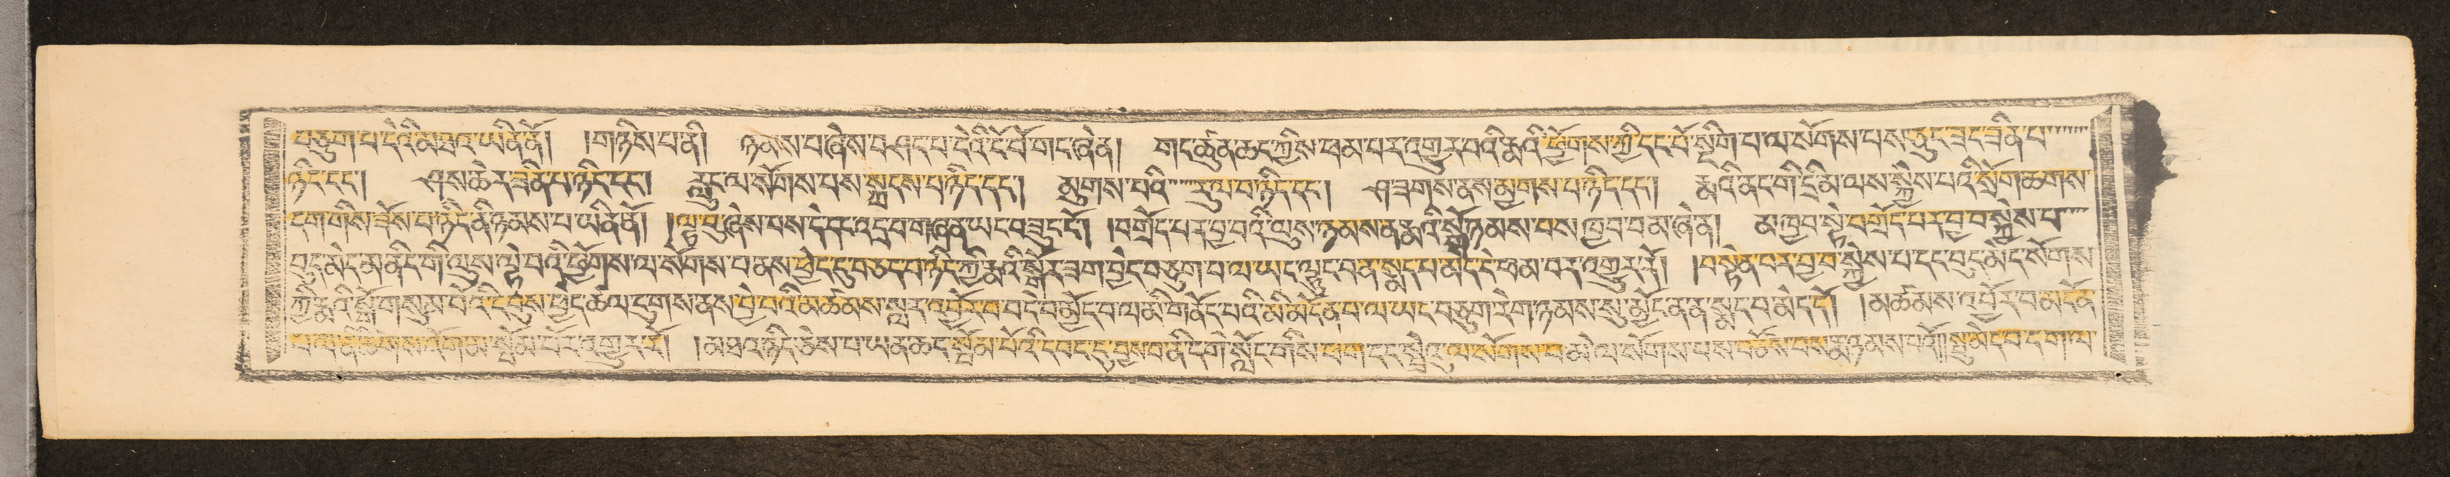བཅུག་པ་དེའི་མཐའ་ཡིན་ནོ། །གཉིས་པ་ནི། ཉམས་པ་ཞེས་བཤད་པ་དེའི་ངོ་བོ་གང་ཞེ་ན། གང་ཚུན་ཆད་ཀྱིས་ཕམ་པར་འགྱུར་བའི་རྨའི་ཕྱོགས་ཀྱི་དང་པོ་སྡིག་པ་ལ་སོགས་པས་ཅུང་ཟད་ཟིན་པ་
ཉིད་དང་། ཤས་ཆེར་ཟིན་པ་ཉིད་དང་། རླུང་ལ་སོགས་པས་སྐྲངས་པ་ཉིད་དང་། མུགས་པའི་རུལ་བ་ཉིད་དང་། ཤ་ཟགས་ནས་མྱགས་པ་ཉིད་དང་། རྨའི་ནང་གི་དྲི་མ་ལས་སྐྱེས་པའི་སྲོག་ཆགས་
དག་གིས་ཟོས་པ་ཉིད་ནི་ཉམས་པ་ཡིན་ནོ། །ལྟ་བུ་ཞེས་པས་དེ་དང་འདྲ་བ་གཞན་ཡང་བཟུང་ངོ། །བགྲོད་པར་བྱ་བའི་ལུས་ཉམས་ན་རྨའི་སྒོ་ཉམས་པས་ཁྱབ་བམ་ཞེ་ན། མ་ཁྱབ་སྟེ་བགྲོད་པར་བྱ་བ་སྐྱེས་པ་
བུད་མེད་མ་ནིང་གི་ལུས་ལྟེ་བའི་ཕྱོགས་ལ་སོགས་པ་ནས་ཕྱེད་དུ་བཅང་བ་ཉིད་ཀྱི་རྨའི་སྒོར་ཟག་བྱེད་བཅུག་པ་ལ་ཡང་ལྟུང་བན་སྨད་པ་མེད་དེ་ཕམ་པར་འགྱུར་རོ། །བསྟེན་པར་བྱ་བ་སྐྱེས་པ་དང་བུད་མེད་སོགས་
ཀྱི་རྨའི་སྒོ་གསུམ་པོའི་དབུས་ཕྱེད་ཚལ་དུགས་ནས་བྱེ་བའི་མཚམས་སླར་འབྱོར་བ་བདེ་བ་མྱོང་བ་ལ་མི་གནོད་པའི་མི་མངོན་པ་ལ་ཡང་བཅུག་རེག་ཉམས་སུ་མྱོང་ན་ན་སྨད་པ་མེད་དོ། །མཚམས་འབྱོར་བ་མངོན་
པ་ལ་ནི་ཚིགས་འོག་མ་སྦོམ་པོར་འགྱུར་རོ། །མཐའ་ཉིད་ཅེས་པ་ཡན་ཆད་སྦོམ་པོའི་དབང་དུ་བྱས་བ་ནི་དགེ་སློང་གིས་ཕག་དང་སྤྲེའུ་ལ་སོགས་པ་མེ་ལ་སོགས་པས་བཙོས་པས་རྨ་ཉམས་པའོ། །སྤུ་མེད་པ་དག་ལ་